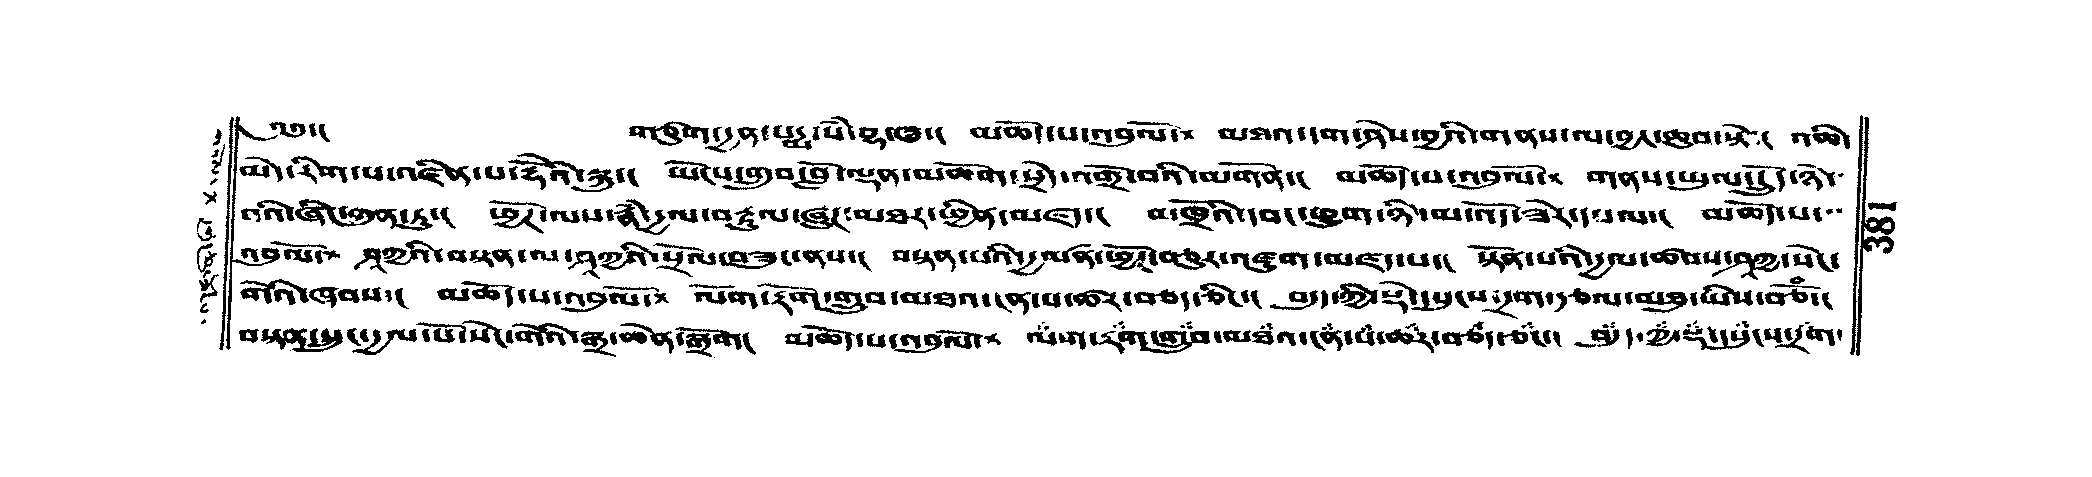གཙུག་རྒྱན་པདྨ་སམ་བྷ་ཝ། །མཆོད་པ་འབུལ་ལོ༴ །མཐའ་དག་ཤེས་བྱའི་གནས་ལ་བྱང་ཆུབ་སྟེ། །འཆི་
མེད་རིག་པ་འཛིན་པ་རྡོ་རྗེའི་སྐུ། །ཡོངས་གྲུབ་བློ་ལྡན་མཆོག་སྲེད་འགྲོ་བའི་མགོན། །མཆོད་པ་འབུལ་ལོ༴ །གནས་ཡུལ་དུར་ཁྲོད་ཉེ་
བའི་ཞིང་ཀུན་ཏུ། །ཕྱོགས་ལས་རྣམ་རྒྱལ་བརྟུལ་ཞུགས་མཐར་ཕྱིན་མཛད། །མཁའ་འགྲོའི་དབང་ཕྱུག་ཉི་མ་འོད་ཟེར་དཔལ། །མཆོད་པ་
འབུལ་ལོ༴ །ཤཱཀྱའི་བསྟན་ལ་ཤཱཀྱའི་སྲོལ་བཟུང་ནས། །བསྟན་པའི་རྒྱལ་མཚན་ཕྱོགས་བཅུར་འཛུག་མཛད་པ། །སྟོན་པའི་རྒྱལ་ཚབ་ཤཱཀྱ་སེང་
གེའི་ཞབས། །མཆོད་པ་འབུལ་ལོ༴ །ལོག་རྟོག་གྲུབ་མཐའ་ངན་པ་ཚར་བཅད་ཅིང་། །བདུད་ཀྱི་སྡེ་དཔུང་དྲག་རྩལ་མཐུ་ཡིས་བཅོམ། །
བསྟན་སྲུང་རྒྱལ་པོ་སེང་གེའི་སྒྲ་ཆེན་སྒྲོག །མཆོད་པ་འབུལ་ལོ༴